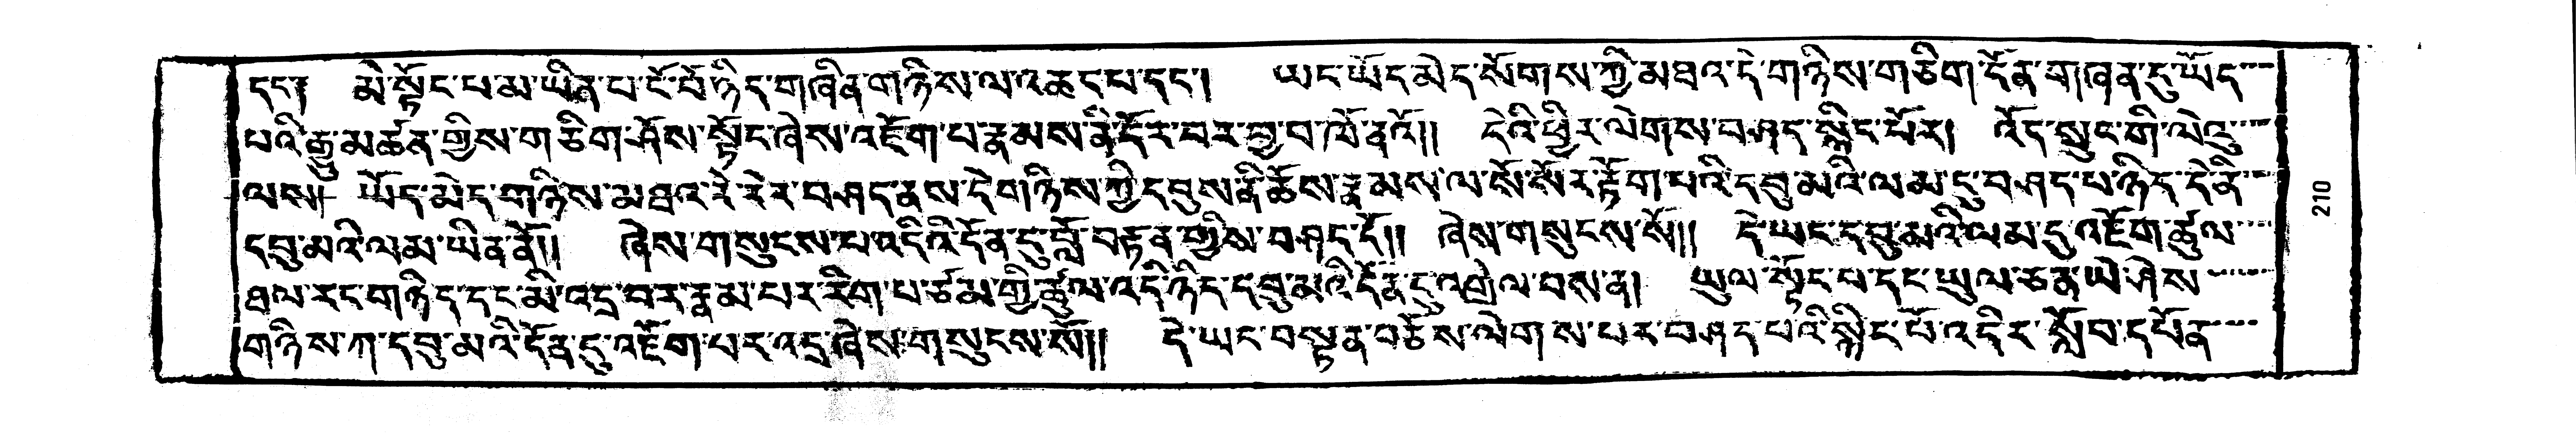དང་། མེ་སྟོང་པ་མ་ཡིན་པ་ངོ་བོ་ཉིད་གཞིན་གཉིས་ལ་འཆད་པ་དང་། ཡང་ཡོད་མེད་སོགས་ཀྱི་མཐའ་དེ་གཉིས་གཅིག་དོན་གཞན་དུ་ཡོད་
པའི་རྒྱུ་མཚན་གྱིས་གཅིག་ཤོས་སྟོང་ཞེས་འཇོག་པ་རྣམས་ནི་དོར་བར་བྱ་བ་ཁོ་ནའོ།། དེའི་ཕྱིར་ལེགས་བཤད་སྙིང་པོར། འོད་སྲུང་གི་ལེའུ་
ལས། ཡོད་མེད་གཉིས་མཐའ་རེ་རེར་བཤད་ནས་དེ་གཉིས་ཀྱི་དབུས་ནི་ཆོས་རྣམས་ལ་སོ་སོར་རྟོག་པའི་དབུ་མའི་ལམ་དུ་བཤད་པ་ཉིད་དེ་ནི་
དབུ་མའི་ལམ་ཡིན་ནོ།། ཞེས་གསུངས་པ་འདིའི་དོན་དུ་བློ་བརྟན་གྱིས་བཤད་དོ།། ཞེས་གསུངས་སོ།། དེ་ཡང་དབུ་མའི་ལམ་དུ་འཇོག་ཚུལ་
ཐལ་རང་གཉིད་དང་མི་འདྲ་བར་རྣམ་པར་རིག་པ་ཙམ་གྱི་ཚུལ་འདི་ཉིད་དབུ་མའི་དོན་དུ་འགྲེལ་བས་ན། ཡུལ་སྟོང་པ་དང་ཡུལ་ཅན་ཡེ་ཤེས་
གཉིས་ཀ་དབུ་མའི་དོན་དུ་འཇོག་པར་འདྲ་ཞེས་གསུངས་སོ།། དེ་ཡང་བསྟན་བཅོས་ལེགས་པར་བཤད་པའི་སྙིང་པོ་འདིར་སློབ་དཔོན་